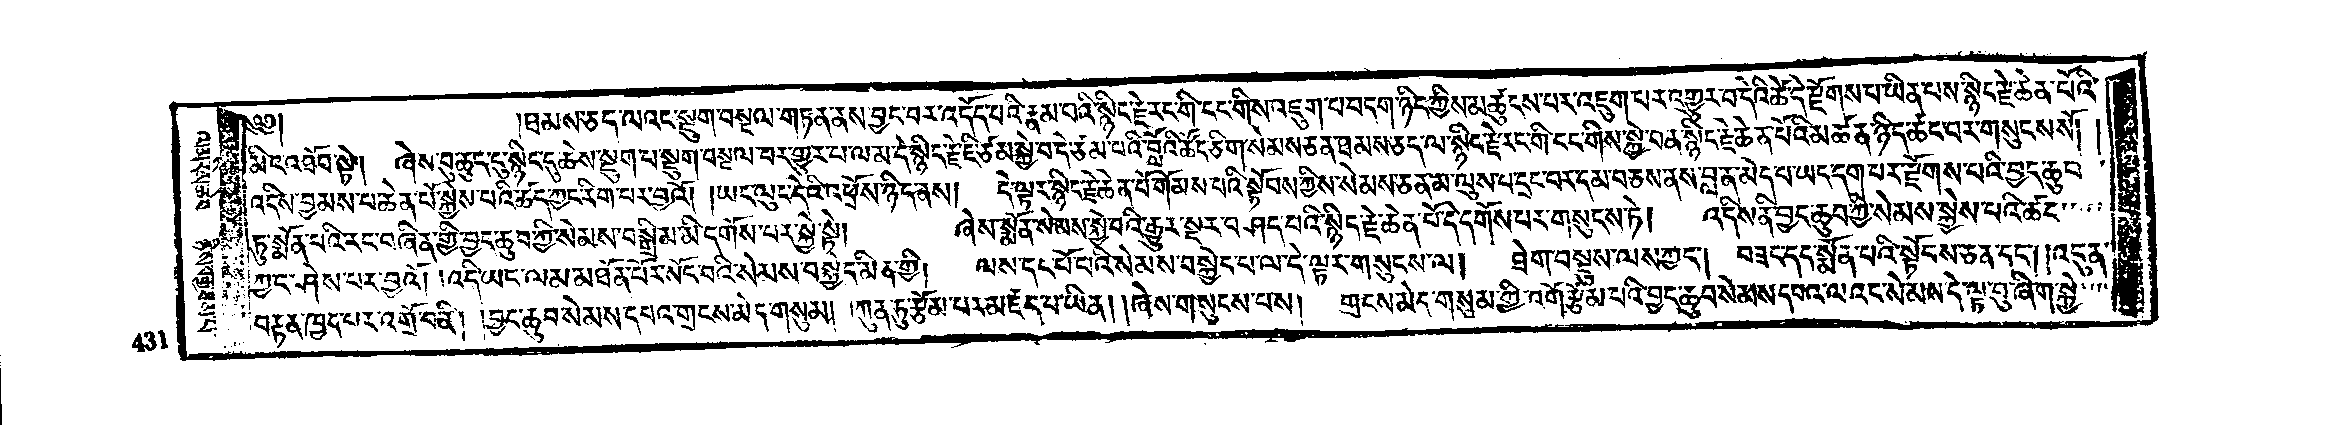༄༅། །ཐམས་ཅད་ལའང་སྡུག་བསྔལ་གཏན་ནས་བྱང་བར་འདོད་པའི་རྣམ་པའི་སྙིང་རྗེ་རང་གི་ངང་གིས་འཇུག་པ་བདག་ཉིད་ཀྱིས་མཚུངས་པར་འཇུག་པར་འགྱུར་བ་དེའི་ཚེ་དེ་རྫོགས་པ་ཡིན་པས་སྙིང་རྗེ་ཆེན་པོའི་
མིང་འཐོབ་སྟེ། ཞེས་བུ་ཆུང་ངུ་སྙིང་དུ་ཆེས་སྡུག་པ་སྡུག་བསྔལ་བར་གྱུར་པ་ལམ་?་དེ་སྙིང་རྗེ་ཇི་ཙམ་སྐྱེ་བ་དེ་ཙམ་པའི་བློའི་ཚོད་ཅིག་སེམས་ཅན་ཐམས་ཅད་ལ་སྙིང་རྗེ་རང་གི་ངང་གིས་སྐྱེ་བ་ན་སྙིང་རྗེ་ཆེན་པོའི་མཚན་ཉིད་ཚང་བར་གསུངས་སོ། །
འདིས་བྱམས་པ་ཆེན་པོ་སྐྱེས་པའི་ཚད་ཀྱང་རིག་པར་བྱའོ། །ཡང་ལུང་དེའི་འཕྲོས་ཉིད་ནས། དེ་ལྟར་སྙིང་རྗེ་ཆེན་པོ་གོམས་པའི་སྟོབས་ཀྱིས་སེམས་ཅན་མ་ལུས་པ་དྲང་བར་དམ་བཅས་ནས་བླ་ན་མེད་པ་ཡང་དག་པར་རྫོགས་པའི་བྱང་ཆུབ་
ཏུ་སྨོན་པའི་རང་བཞིན་གྱི་བྱང་ཆུབ་ཀྱི་སེམས་བསྒྲིམ་མི་དགོས་པར་སྐྱེ་སྟེ། ཞེས་སྨོན་སེམས་སྐྱེ་བའི་རྒྱུར་སྔར་བཤད་པའི་སྙིང་རྗེ་ཆེན་པོ་དེ་དགོས་པར་གསུངས་ཏེ། འདིས་ནི་བྱང་ཆུབ་ཀྱི་སེམས་སྐྱེས་པའི་ཚད་
ཀྱང་ཤེས་པར་བྱའོ། །འདི་ཡང་ལམ་མཐོན་པོར་སོང་བའི་སེམས་བསྐྱེད་མིན་གྱི། ལས་དང་པོ་པའི་སེམས་བསྐྱེད་པ་ལ་དེ་ལྟར་གསུངས་ལ། ཐེག་བསྡུས་ལས་ཀྱང་། བཟང་དང་སྨོན་པའི་སྟོབས་ཅན་དང་། །འདུན་
བརྟན་ཁྱད་པར་འགྲོ་བ་ནི། །བྱང་ཆུབ་སེམས་དཔའ་གྲངས་མེད་གསུམ། །ཀུན་ཏུ་རྩོམ་པར་མཛད་པ་ཡིན། །ཞེས་གསུངས་པས། གྲངས་མེད་གསུམ་གྱི་འགོ་རྩོམ་པའི་བྱང་ཆུབ་སེམས་དཔའ་ལའང་སེམས་དེ་ལྟ་བུ་ཞིག་སྐྱེ་